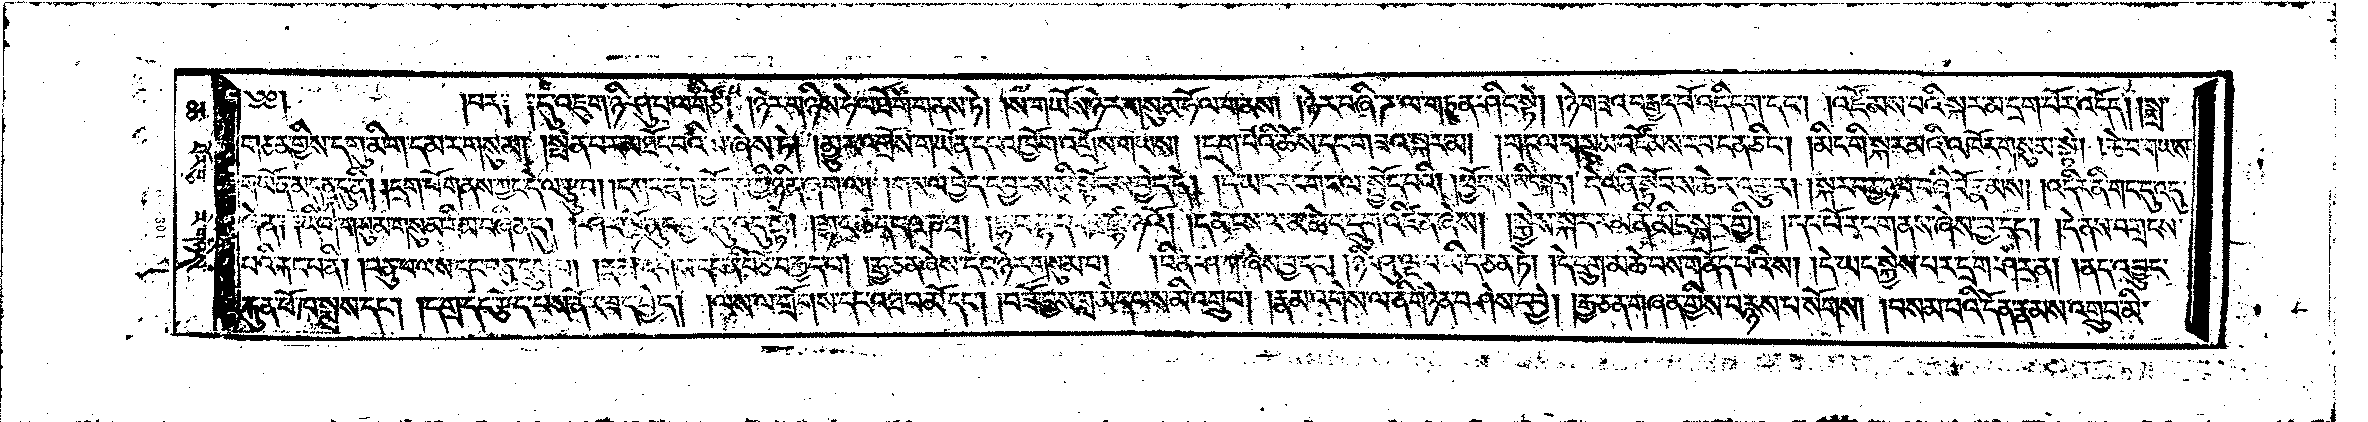༄༅། །པར༑ ༑དུ་འཇུག་ཉི་ཤུ་པ་ལ་གཙོ། །ཉེར་གཉིས་ཧེ་ལ་ཐོག་གནས་ཏེ། །ས་གཡོས་ཉེར་གསུམ་ཧོ་ལ་གནས། །ཉེར་བཞིཌ་ལ་གཏན་ཤིང་སྟེ། །ཉེ་གཟའ་བརྒྱད་པོ་འདི་དག་དང་། །འཛོམས་པའི་སྐར་མ་དྲག་པོར་འདོད། །སྒྲ་
གཅན་གྱིས་དགུ་མིག་དམར་གསུམ། །སྤེན་པར་མཐོང་བའི་ས་ཞེས་ཏེ། །མྱུར་འགྲོས་གཡོན་དང་འཁྱོག་འགྲོས་གཡས། །དྲག་པོའི་ཚེས་དང་གཟའ་སྐར་མ། །གང་ལ་གསུམ་འཛོམས་རབ་ངན་ཅིང་། །མིང་གི་སྐར་མའི་འཁོར་གསུམ་སྟེ། །ཆེ་བ་གཡས་
གཡོན་མདུན་དུ་ནི། །དྲག་པོ་གནས་ཀྱང་དེ་ལ་རྩུབ། །དཀར་ནག་ཕྱོགས་ཀྱི་ཉིན་ཞག་ལ། །གསལ་བྱེད་དབྱངས་མི་སྟོབས་བྱེད་དེ། །དེ་ཡང་རང་གང་ལ་སྤྱོད་པའི། །ཕྱོགས་མིང་སྐར། །དེ་ལ་ནི་སྟོབས་ཆེར་འགྱུར། །སྐར་བརྒྱ་ཉབ་བཞི་པོ་རྣམས། །འདིར་ནི་གང་དུ་འདུ་
ཞེན། ༑ཡིག་གསུམ་གསུམ་རིམ་བཞིན་དུ། །ཤར་ལྷོ་ནུབ་བྱང་དུ་འདུ་སྟེ། །གྷ་འཚ་དྭདྵྞ་ཐ། །དྷ་བ་ཌྷ་དང་ཥྜ་ཛྷ་ཉའོ། །དན་ངེས་ལ་མཆེ་བ་དྲུག་འཛིན་ཞེས། །སྐྱེས་སྐར་རམ་ནི་མིང་སྐར་གྱི། །དང་པོ་རང་གནས་ཞེས་བྱ་དང་། །དེ་ནས་བགྲངས་
པའི་རྐང་པ་ནི། །བཅུ་པ་ལས་དང་བཅུ་དྲུག་པ། །རྣམ་དགོས་དང་ནི་བཅོ་བརྒྱད་པ། །རྒྱ་ཅན་ཞེས་དང་ཉེར་གསུམ་པ། །བིན་ཤ་ཀ་ཞེས་བྱ་དང་། །ཉི་ཤུ་ལྔ་པ་ཡིད་ཅན་ཏེ། །དེ་དྲུག་མཆེ་བས་གནོད་པའི་ས། །དེ་ཡང་སྐྱེས་པར་དྲག་ཤར་ན། །ནད་འབྱུང་
རྐུན་ཕོ་ཁ་སྨས་དང་། །དགྲ་དང་རྩོད་པས་ནོར་ཟད་བྱེད། །ལས་ལ་གྲོགས་དང་འཐབ་མོ་དང་། །བཟོ་བྱས་གླ་མེད་ལས་མི་འགྲུབ། །རྣམ་འགེས་ལ་ནི་གཉེན་བཤེས་དབྱེ། །རྒྱ་ཅན་གཞན་གྱིས་བརྙས་པ་སོགས། །བསམ་པའི་དོན་རྣམས་འགྲུབ་མི་